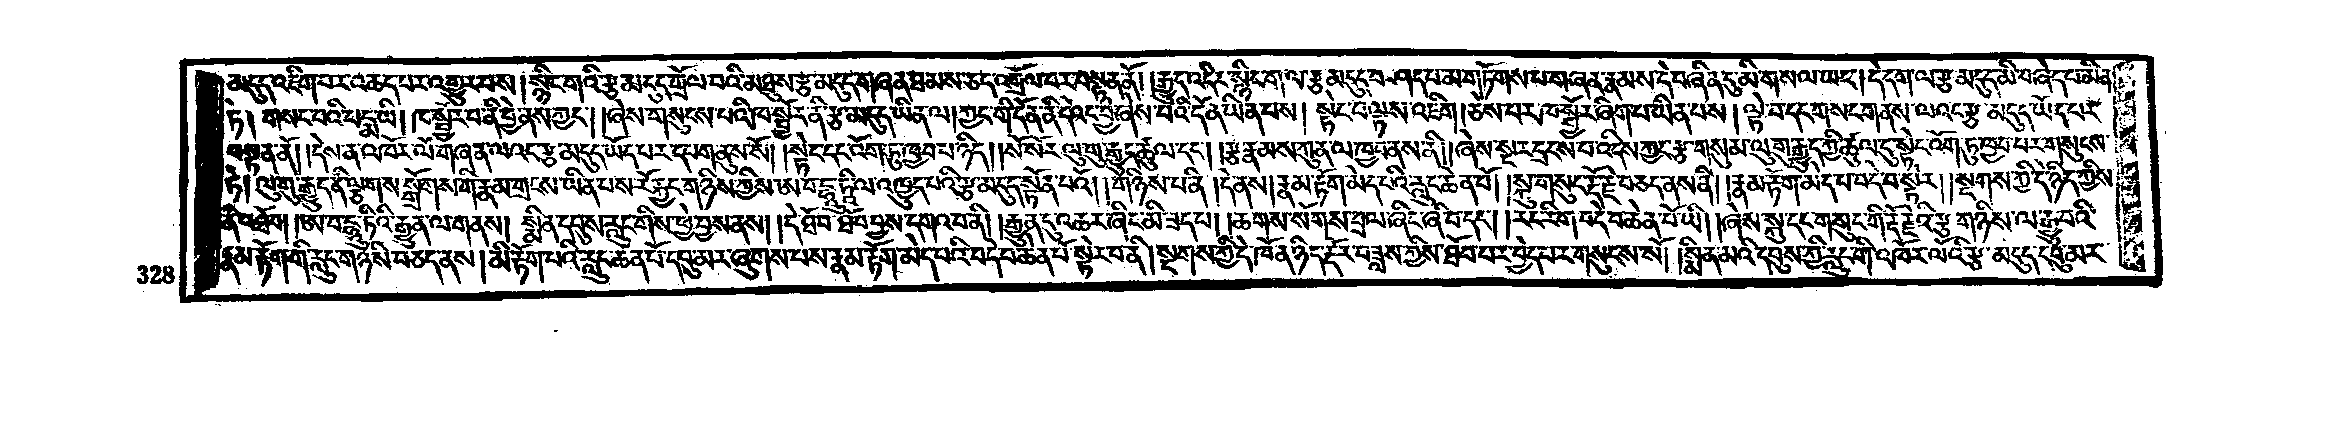མདུད་འཇིག་པར་འཆད་པར་འགྱུར་བས། སྙིང་གའི་རྩ་མདུད་གྲོལ་བའི་མཐུས་རྩ་མདུད་གཞན་ཐམས་ཅད་འགྲོལ་བར་བསྟན་ནོ། །རྒྱུད་འདིར་སྙིང་ག་ལ་རྩ་མདུད་བཤད་པ་མ་གཏོགས་པ་གཞན་རྣམས་དེ་བཞིན་དུ་མི་གསལ་ཡང་། དེ་དག་ལ་རྩ་མདུད་མི་བཞེད་པ་མིན་
ཏེ། གསང་བའི་པདམ་ཡི། ཁ་སྦྱར་བ་ནི་བྱེ་ནས་ཀྱང་། །ཞེས་གསུངས་པའི་ཁ་སྦྱོར་ནི་རྩ་མདུད་ཡིན་ལ། ཀྱང་གི་དོན་ནི་དེའང་བྱེ་ཞེས་པའི་དོན་ཡིན་པས། སྟེང་བལྟས་འཇིག །ཅེས་པར་ཁ་སྦྱོར་ཞིག་པ་ཡིན་པས། ལྟེ་བ་དང་གསང་གནས་ལའང་རྩ་མདུད་ཡོད་པར་
བསྟན་ནོ། །དེས་ན་འཁོར་ལོ་གཞན་ལའང་རྩ་མདུད་ཡོད་པར་དཔག་ནུས་སོ། །སྟེང་དང་འོག་ཏུ་ཁྱབ་པ་ཉིད། །སོ་སོར་ལུ་གུ་རྒྱུད་ཚུལ་དང་། །རྩ་རྣམས་ཀུན་ལ་ཁྱབ་ནས་ནི། །ཞེས་སྔར་དྲངས་པ་འདིས་ཀྱང་རྩ་གསུམ་ལུ་གུ་རྒྱུད་ཀྱི་ཚུལ་དུ་སྟེང་འོག་ཏུ་ཁྱབ་པར་གསུངས་
ཏེ། ལུ་གུ་རྒྱུད་ནི་ལྕགས་སྒྲོགས་གི་རྣམ་གྲངས་ཡིན་པས་རོ་རྐྱང་གཉིས་ཀྱིས་ཨ་བ་དྷཱུ་ཏཱི་ལ་འཁྱུད་པའི་རྩ་མདུད་སྟོན་པའོ། །གཉིས་པ་ནི། དེ་ནས། རྣམ་རྟོག་མེད་པའི་རླུང་ཆེན་པོ། །སྐུ་གསུང་རྡོ་རྗེ་བཅད་ནས་ནི། །རྣམ་རྟོག་མེད་པ་བདེ་བ་སྟེར། །སྔགས་ཀྱི་དེ་ཉིད་ཀྱིས་
ནི་འཐོབ། །ཨ་བ་དྷཱུ་ཏིའི་རྒྱུན་ལ་གནས། སྨིན་དབུས་རླུང་གིས་ཕྱེ་བྱས་ནས། །དེ་ཐོབ་ཐོབ་བྱས་དགའ་བ་ནི། །རྒྱུན་དུ་འཆར་ཞིང་མི་ཟད་པ། །ཆགས་སོགས་བྲལ་ཞིང་ཞི་བ་དང་། །རང་རིག་བདེ་བ་ཆེན་པོ་ཡི། །ཞེས་སྐུ་དང་གསུང་གི་རྡོ་རྗེའི་རྩ་གཉིས་ལ་རྒྱུ་བའི་
རྣམ་རྟོག་གི་རླུང་གཉིས་བཅད་ནས། མི་རྟོག་པའི་རླུང་ཆེན་པོ་དབུ་མར་ཞུགས་པས་རྣམ་རྟོག་མེད་པའི་བདེ་བ་ཆེན་པོ་སྟེར་བ་ནི། སྔགས་ཀྱི་དེ་ཁོ་ན་ཉིད་རྡོར་བཟླས་ཀྱིས་ཐོབ་པར་བྱེད་པར་གསུངས་སོ། །སྨིན་མའི་དབུས་ཀྱི་རླུང་གི་འཁོར་ལོའི་རྩ་མདུད་དབུ་མར་